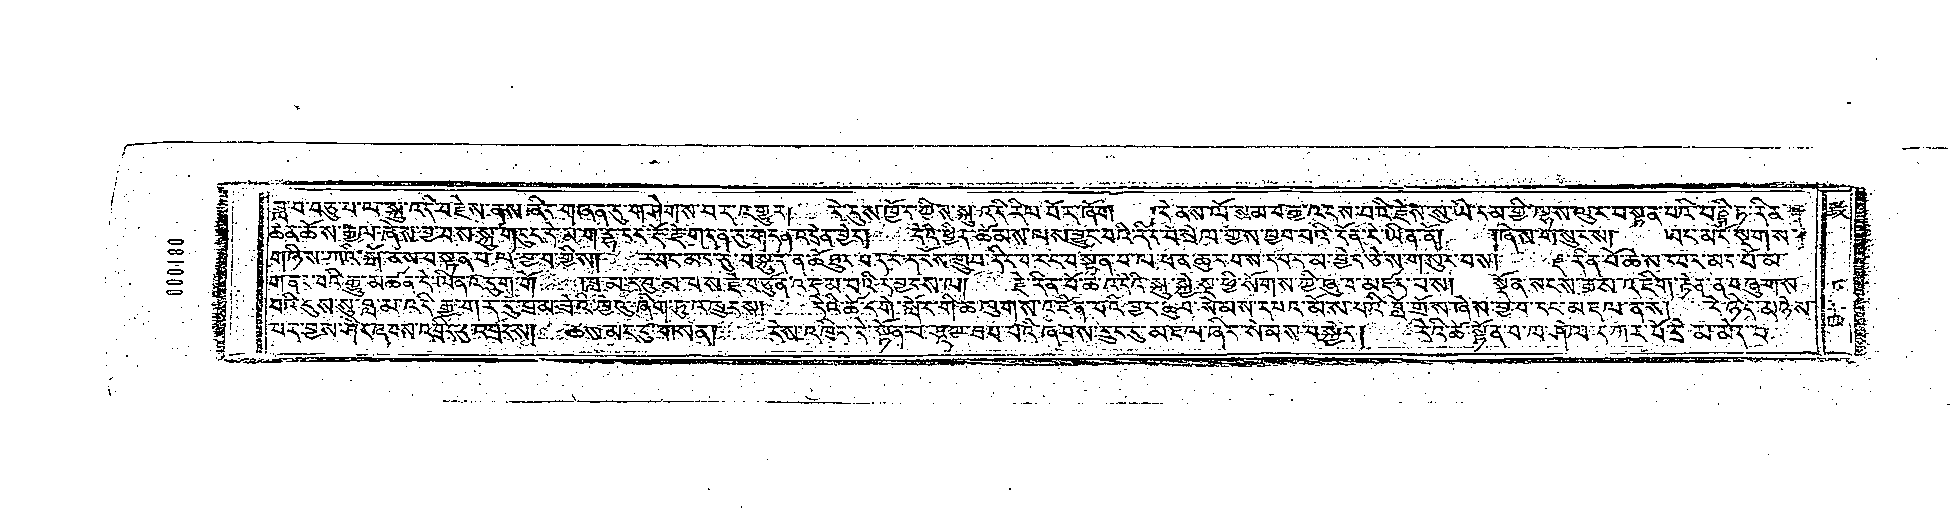ཟླ་བ་བཅུ་པ་ལ་སྐུ་འདི་བརྗེས་ནས་ཞིང་གཞན་དུ་གཤེགས་བར་འགྱུར། དེ་དུས་ཁྱོད་ཀྱིས་སྐུ་འདི་རིལ་བོར་ཞོག །དེ་ནས་ལོ་སུམ་བརྒྱ་འདས་པའི་རྗེས་སུ་ཡི་དམ་གྱི་ལྷས་ལུང་བསྟན་པའི་པཎྚི་ཏ་རིན་
ཆེན་ཆོས་རྒྱལ་ཞེས་བྱ་བས་སྐུ་གདུང་དེ་མ་ག་དྷ་དང་རྡོ་རྗེ་གདན་དུ་གདན་འདྲེན་བྱེད། དེའི་ཕྱིར་ཚེམས་ལས་བྱུང་བའི་རིང་བསྲེལ་གྱིས་ཁྱབ་པའི་དོན་དེ་ཡིན་ནོ། །ཞེས་གསུངས། ཡང་མདོ་སྔགས་
གཉིས་ཀའི་སྒོ་ནས་བསྟན་པ་ལ་བྱ་བ་གྱིས། དབང་མང་དུ་བསྐུར་ན་ཚེ་ཐུང་བ་དང་དངོས་གྲུབ་རིང་བ་དང་བསྟན་པ་ལ་ཕན་ཆུང་བས་དབང་མ་བྱེད་ཅེས་གསུང་བས། རྗེ་རིན་པོ་ཆེས་དབང་མང་པོ་མ་
གནང་བའི་རྒྱུ་མཚན་དེ་ཡིན་འདུག་གོ །བླ་མ་དབུ་མ་པས་རྗེ་བཙུན་འཇམ་པའི་དབྱངས་ལ། རྗེ་རིན་པོ་ཆེ་འདིའི་སྐུ་སྐྱེ་སྔ་ཕྱི་སོགས་ཀྱི་ཞུ་བ་མཛད་པས། སྔོན་སངས་རྒྱས་འཇིག་རྟེན་ན་བཞུགས་
བའི་དུས་སུ་བླ་མ་འདི་རྒྱ་གར་དུ་བྲམ་ཟེའི་ཁྱེའུ་ཞིག་ཏུ་འཁྲུངས། དེའི་ཚེ་དགེ་སློང་གི་ཆ་ལུགས་འཛིན་པའི་བྱང་ཆུབ་སེམས་དཔའ་མོས་པའི་བློ་གྲོས་ཞེས་བྱ་བ་དང་མཇལ་ནས། དེ་ཉིད་མཉེས་
པར་བྱས་ཤིང་ཞབས་འབྲིང་དུ་འབྲངས། ཆོས་མང་དུ་གསན། དེས་འཁྲིད་དེ་སྟོན་བ་ཤཱཀྱ་ཐུབ་པའི་ཞབས་དྲུང་དུ་མཇལ་ཞིང་སེམས་བསྐྱེད། དེའི་ཚེ་སྟོན་པ་ལ་ཤེལ་དཀར་པོ་དྲི་མ་མེད་པ་